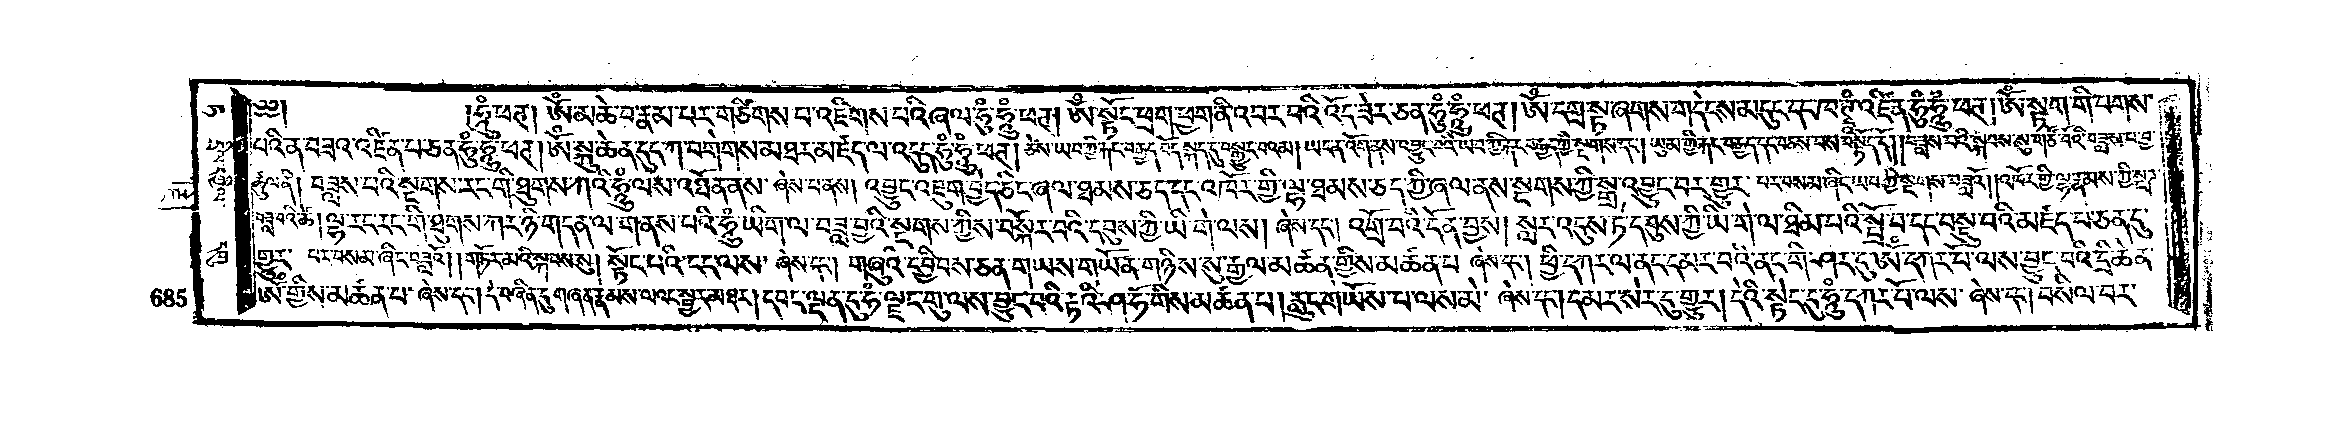༄༅། །ཧཱུཾ་ཕཊ། ཨོཾ་མཆེ་བ་རྣམ་པར་གཙིགས་པ་འཇིགས་པའི་ཞལ་ཧུཾ་ཧཱུཾ་ཕཊ། ཨོཾ་སྟོང་ཕྲག་ཕྱག་ནི་འབར་བའི་འོད་ཟེར་ཅན་ཧུཾ་ཧཱུཾ་ཕཊ། ཨོཾ་དགྲ་སྟ་ཞགས་གདེངས་མདུང་དང་ཁ་ཊྭཱཾ་འཛིན་ཧུཾ་ཧཱུཾ་ཕཊ། ཨོཾ་སྟག་གི་པགས་
པའི་ན་བཟའ་འཛིན་པ་ཅན་ཧུཾ་ཧཱུཾ་ཕཊ། ཨོཾ་སྐུ་ཆེན་དུད་ཀ་བགེགས་མཐར་མཛད་ལ་འདུད་ཧུཾ་ཧཱུཾ་ཕཊ། ཅེས་ཡབ་ཀྱི་རྐང་བརྒྱད་བོད་སྐད་དུ་བསྒྱུར་བའམ། ཡང་ན་འོག་ནས་འབྱུང་བའི་ཡབ་ཀྱི་རྐང་བརྒྱད་ཀྱི་སྔགས་དང་། ཡུམ་གྱི་རྐང་བརྒྱད་དང་བཅས་པས་བསྟོད་དོ། །བཟླས་པའི་སྐབས་སུ་གཙོ་བོའི་བཟླས་པ་བྱ་
ཚུལ་ནི། བཟླས་པའི་སྔགས་རང་གི་ཐུགས་ཀའི་ཧཱུཾ་ལས་འཐོན་ནས་ཞེས་པ་ནས།  འབྱུང་འཇུག་བྱེད་ཅིང་ཞལ་ཐམས་ཅད་དང་འཁོར་གྱི་ལྷ་ཐམས་ཅད་ཀྱི་ཞལ་ནས་སྔགས་ཀྱི་སྒྲ་འབྱུང་བར་གྱུར་པར་བསམ་ཞིང་ཡབ་ཀྱི་སྔགས་བཟླའོ། །འཁོར་གྱི་ལྷ་རྣམས་ཀྱི་སྔགས་
བཟླ་བའི་ཚེ། ལྷ་རང་རང་གི་ཐུགས་ཀར་ཉི་གདན་ལ་གནས་པའི་ཧཱུཾ་ཡིག་ལ་བཟླ་བྱའི་སྔགས་ཀྱིས་བསྐོར་བའི་དབུས་ཀྱི་ཡི་གེ་ལས། ཞེས་དང་།  འགྲོ་བའི་དོན་བྱས། སླར་འདུས་ཏེ་དབུས་ཀྱི་ཡི་གེ་ལ་ཐིམ་པའི་སྤྲོ་བ་དང་བསྡུ་བའི་མཛད་པ་ཅན་དུ་
གྱུར་པར་བསམ་ཞིང་བཟླའོ། །གཏོར་མའི་སྐབས་སུ།  སྟོང་པའི་ངང་ལས་ཞེས་དང་།  གཞུའི་དབྱིབས་ཅན་གཡས་གཡོན་གཉིས་སུ་རྒྱལ་མཚན་གྱིས་མཚན་པ་ཞེས་དང་།  ཕྱི་དཀར་ལ་ནང་དམར་བའི་ནང་གི་ཤར་དུ་ཨོཾ་དཀར་པོ་ལས་བྱུང་བའི་དྲི་ཆེན་
ཨོཾ་གྱིས་མཚན་པ་ཞེས་དང་། དེ་བཞིན་དུ་གཞན་རྣམས་ལའང་སྦྱར་མཐར།  དབང་ལྡན་དུ་ཧཾ་ལྗང་གུ་ལས་བྱུང་བའི་རྟའི་ཤ་ཧཾ་གིས་མཚན་པ། རླུང་གཡོས་པ་ལས་མེ་ཞེས་དང་།  དམར་སེར་དུ་གྱུར། དེའི་སྟེང་དུ་ཧཱུཾ་དཀར་པོ་ལས་ཞེས་དང་།  བསིལ་བར་